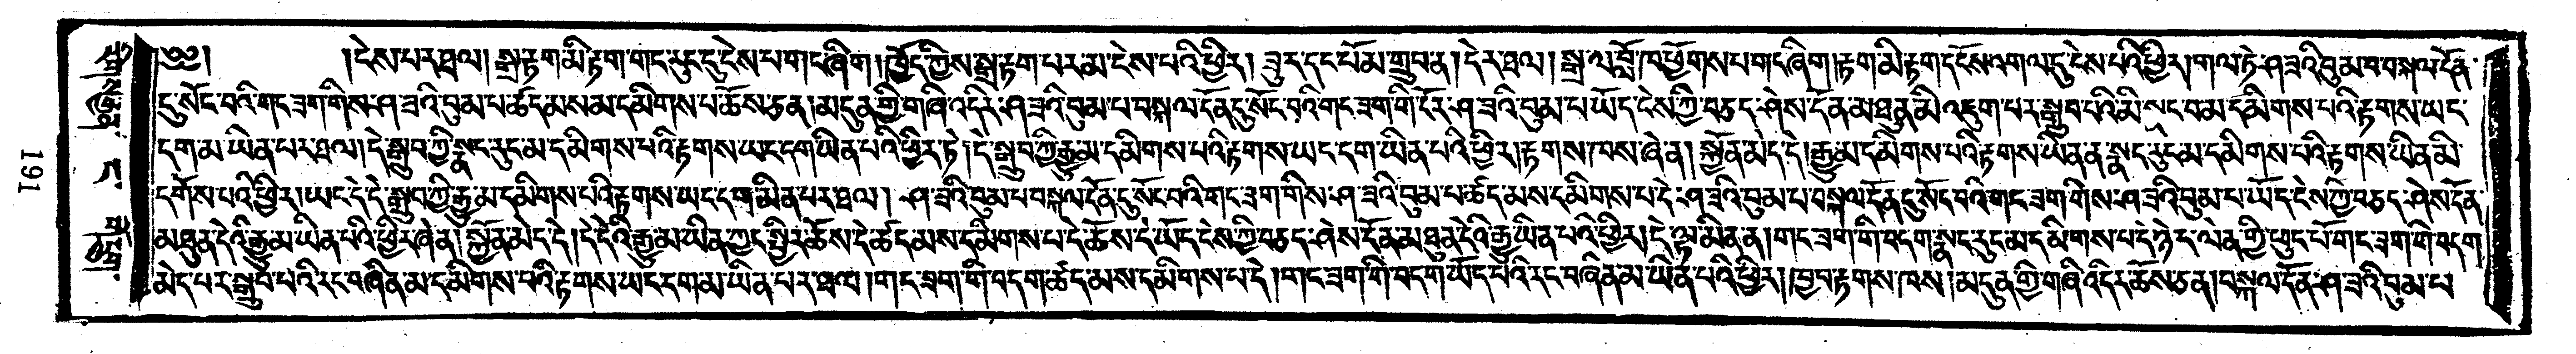༄༅། །ངེས་པར་ཐལ། སྒྲ་རྟག་མི་རྟག་གང་རུང་དུ་ངེས་པ་གང་ཞིག །ཁྱོད་ཀྱིས་སྒྲ་རྟག་པར་མ་ངེས་པའི་ཕྱིར། ཟུར་དང་པོ་མ་གྲུབ་ན། དེར་ཐལ། སྒྲ་ལ་བློ་ཁ་ཕྱོགས་པ་གང་ཞིག །རྟག་མི་རྟག་དངོས་འགལ་དུ་ངེས་པའི་ཕྱིར། གལ་ཏེ་ཤ་ཟའི་བུམ་པ་བསྐལ་དོན་
དུ་སོང་བའི་གང་ཟག་གིས་ཤ་ཟའི་བུམ་པ་ཚད་མས་མ་དམིགས་པ་ཆོས་ཅན། མདུན་གྱི་གཞི་འདིར་ཤ་ཟའི་བུམ་པ་བསྐལ་དོན་དུ་སོང་བའི་གང་ཟག་གི་ངོར་ཤ་ཟའི་བུམ་པ་ཡོད་ངེས་ཀྱི་བཅད་ཤེས་དོན་མཐུན་མི་འཇུག་པར་སྒྲུབ་པའི་མི་སྣང་བ་མ་དམིགས་པའི་རྟགས་ཡང་
དག་མ་ཡིན་པར་ཐལ། དེ་སྒྲུབ་ཀྱི་སྣང་རུང་མ་དམིགས་པའི་རྟགས་ཡང་དག་ཡིན་པའི་ཕྱིར་ཏེ། དེ་སྒྲུབ་ཀྱི་རྒྱུ་མ་དམིགས་པའི་རྟགས་ཡང་དག་ཡིན་པའི་ཕྱིར། རྟགས་ཁས་ཞེན། སྐྱོན་མེད་དེ། རྒྱུ་མ་དམིགས་པའི་རྟགས་ཡིན་ན་སྣང་རུང་མ་དམིགས་པའི་རྟགས་ཡིན་མི་
དགོས་པའི་ཕྱིར། ཡང་དེ་དེ་སྒྲུབ་ཀྱི་རྒྱུ་མ་དམིགས་པའི་རྟགས་ཡང་དག་མིན་པར་ཐལ། ཤ་ཟའི་བུམ་པ་བསྐལ་དོན་དུ་སོང་བའི་གང་ཟག་གིས་ཤ་ཟའི་བུམ་པ་ཚད་མས་དམིགས་པ་དེ་ཤ་ཟའི་བུམ་པ་བསྐལ་དོན་དུ་སོང་བའི་གང་ཟག་གིས་ཤ་ཟའི་བུམ་པ་ཡོད་ངེས་ཀྱི་བཅད་ཤེས་དོན་
མཐུན་དེའི་རྒྱུ་མ་ཡིན་པའི་ཕྱིར་ཞེ་ན། སྐྱོན་མེད་དེ། དེ་དེའི་རྒྱུ་མ་ཡིན་ཀྱང་སྤྱིར་ཆོས་དེ་ཚད་མས་དམིགས་པ་དེ་ཆོས་དེ་ཡོད་ངེས་ཀྱི་བཅད་ཤེས་དོན་མཐུན་དེའི་རྒྱུ་ཡིན་པའི་ཕྱིར། དེ་ལྟ་མིན་ན། གང་ཟག་གི་བདག་སྣང་རུང་མ་དམིགས་པ་དེ་ཉེར་ལེན་གྱི་ཕུང་པོ་གང་ཟག་གི་བདག་
མེད་པར་སྒྲུབ་པའི་རང་བཞིན་མ་དམིགས་པའི་རྟགས་ཡང་དག་མ་ཡིན་པར་ཐལ། གང་ཟག་གི་བདག་ཚད་མས་དམིགས་པ་དེ། གང་ཟག་གི་བདག་ཡོད་པའི་རང་བཞིན་མ་ཡིན་པའི་ཕྱིར། ཁྱབ་རྟགས་ཁས། མདུན་གྱི་གཞི་འདིར་ཆོས་ཅན། བསྐལ་དོན་ཤ་ཟའི་བུམ་པ་